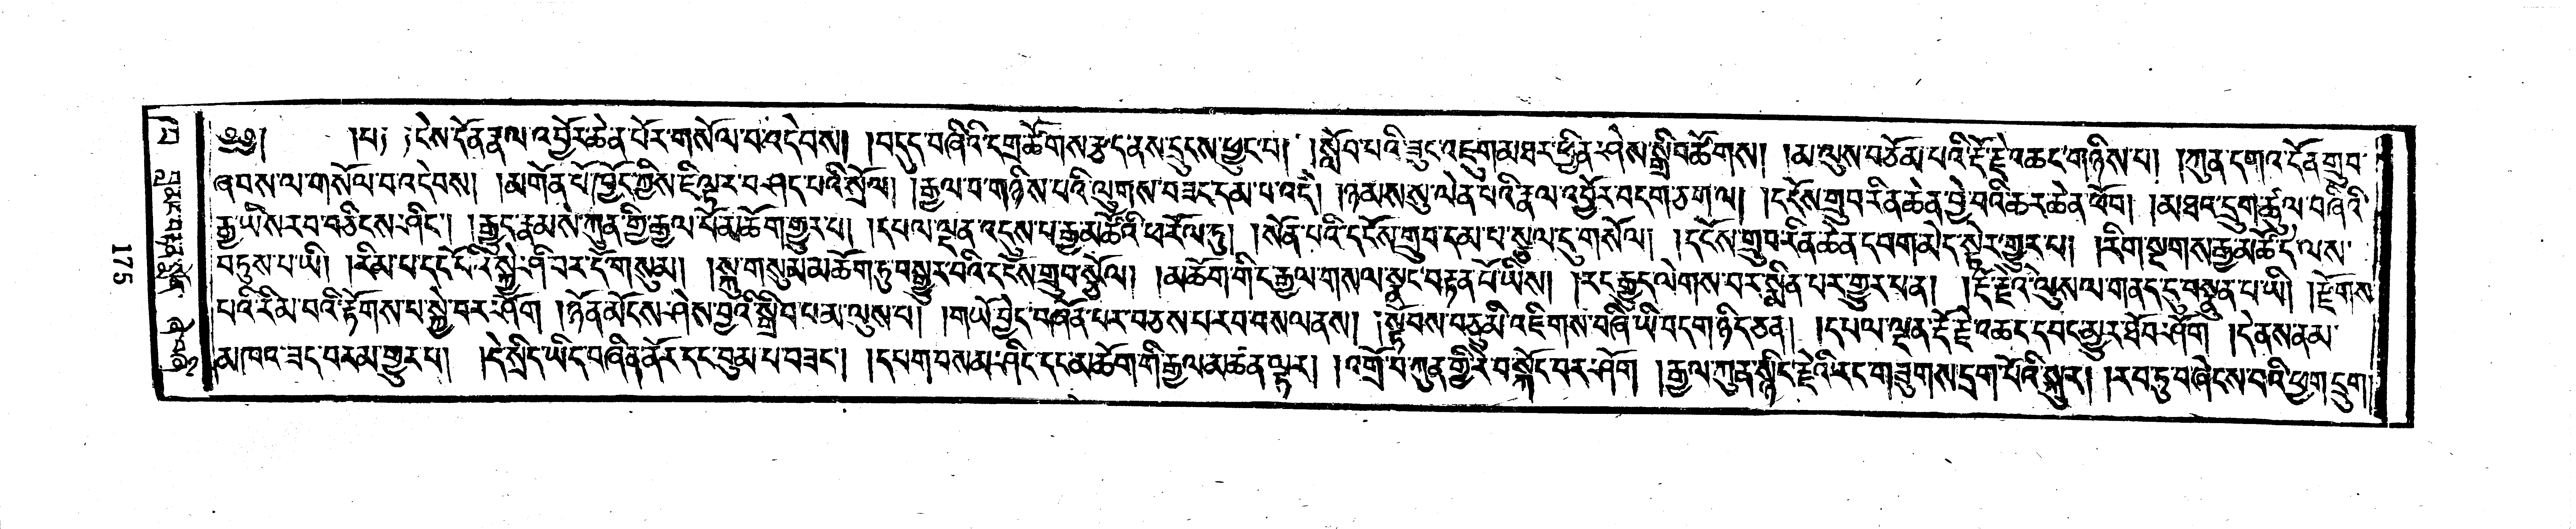༄༅། །པ༑ ༑ངེས་དོན་རྣལ་འབྱོར་ཆེ་ན་པོར་གསོལ་བ་འདེབས། །བདུད་བཞིའི་དགྲ་ཚོགས་རྩད་ནས་དྲུངས་ཕྱུང་བ། །སློབ་པའི་ཟུང་འཇུག་མཐར་ཕྱིན་ཤེས་སྒྲིབ་ཚོགས། །མ་ལུས་བཅོམ་པའི་རྡོ་རྗེ་འཆང་གཉིས་པ། །ཀུན་དགའ་དོན་གྲུབ་
ཞབས་ལ་གསོལ་བ་འདེབས། །མགོན་པོ་ཁྱོད་ཀྱིས་ཇི་ལྟར་བཤད་པའི་སྲོལ། །རྒྱལ་བ་གཉིས་པའི་ལུགས་བཟང་དམ་པ་འདི། །ཉམས་སུ་ལེན་པའི་རྣལ་འབྱོར་བདག་ཅག་ལ། །དངོས་གྲུབ་རིན་ཆེན་བྱེ་བའི་ཆར་ཆེན་ཕོབ། །མཐའ་དྲུག་ཚུལ་བཞིའི་
རྒྱ་ཡིས་རབ་བཅིངས་ཤིང་། །རྒྱུད་རྣམས་ཀུན་གྱི་རྒྱལ་པོ་མཆོག་གྱུར་པ། །དཔལ་ལྡན་འདུས་པ་རྒྱ་མཚོའི་ཕ་རོལ་ཏུ། །སོན་པའི་དངོས་གྲུབ་དམ་པ་སྩལ་དུ་གསོལ། །དངོས་གྲུབ་རིན་ཆེན་དཔག་མེད་སྟེར་གྱུར་པ། །རིག་སྔགས་རྒྱ་མཚོ་དེ་ལས་
བཏུས་པ་ཡི། །རིམ་པ་དང་པོའི་སྐྱེ་ཤི་བར་དོ་གསུམ། །སྐུ་གསུམ་མཆོག་ཏུ་བསྒྱུར་བའི་དངོས་གྲུབ་སྩོལ། །མཆོག་གི་ང་རྒྱལ་གསལ་སྣང་བརྟན་པོ་ཡིས། །རང་རྒྱུད་ལེགས་པར་སྨིན་པར་གྱུར་པ་ན། །རྡོ་རྗེའི་ལུས་ལ་གནད་དུ་བསྣུན་པ་ཡི། །རྫོགས་
པའི་རིམ་པའི་རྟོགས་པ་སྐྱེ་བར་ཤོག །ཉོན་མོངས་ཤེས་བྱའི་སྒྲིབ་པ་མ་ལུས་པ། །གཡོ་བྱེད་བཞོན་པར་བཅས་པ་རབ་བསལ་ནས། །སྟོབས་བཅུ་མི་འཇིགས་བཞི་ཡི་བདག་ཉིད་ཅན། །དཔལ་ལྡན་རྡོ་རྗེ་འཆང་དབང་མྱུར་ཐོབ་ཤོག །དེ་ནས་ནམ་
མཁའ་ཟད་བར་མ་གྱུར་པ། །དེ་སྲིད་ཡིད་བཞིན་ནོར་དང་བུམ་པ་བཟང་། །དཔག་བསམ་ཤིང་དང་མཆོག་གི་རྒྱལ་མཚན་ལྟར། །འགྲོ་བ་ཀུན་གྱི་རེ་བ་སྐོང་བར་ཤོག །རྒྱལ་ཀུན་སྙིང་རྗེའི་རང་གཟུགས་དྲག་པོའི་སྐུར། །རབ་ཏུ་བ་ཞེངས་པའི་ཕྱག་དྲུག་